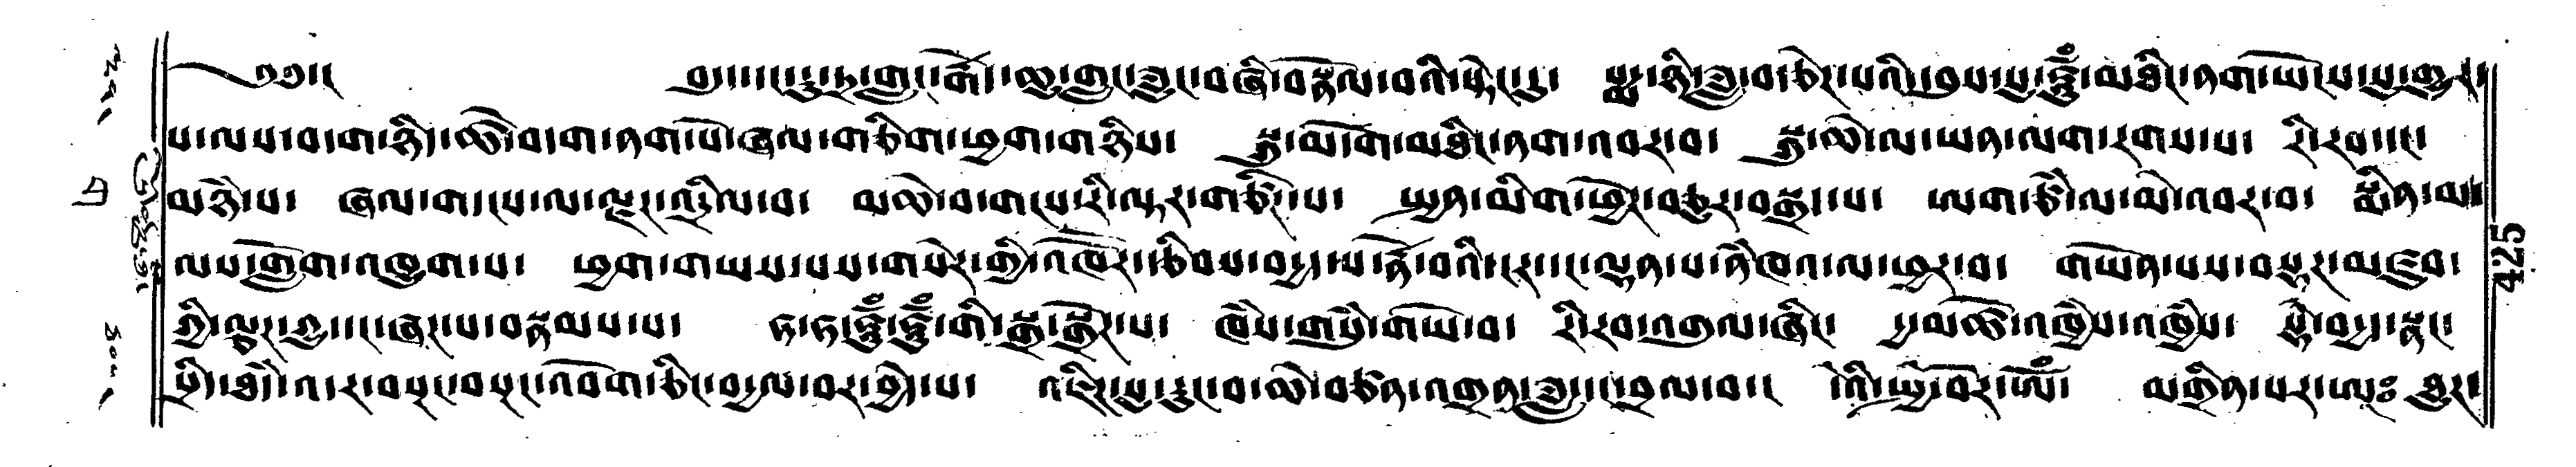བདུད་དང་རུ་ཏྲ་གླང་རྒོད་ཆུ་གླང་ཟུང་བཞི་བསྣོལ་བའི་སྟེང་དུ། པདྨ་ཉི་ཟླ་བརྩེགས་པའི་དབུས་སུ་ཧཱུྃ་མཐིང་ནག་ཡོངས་སུ་གྱུར་
པ་ལས་བདག་ཉིད་ཚེ་བདག་ནག་པོ་ཞལ་གཅིག་ཕྱག་གཉིས། སྐུ་མདོག་མཐིང་ནག་འབར་བ། སྐུ་ཆེ་ལ་ཡན་ལག་རགས་པ། རི་རབ་དང་
མཉམ་པ། ཞལ་གདངས་ལ་ལྗགས་འདྲིལ་བ། མཆེ་བ་གངས་རི་ལྟར་གཙིགས་པ། སྤྱན་མིག་ཕྱོགས་བཅུར་བསྒྲད་པ། ཨག་ཚོམ་ལ་མེ་འབར་བ། སྨིན་མ་
ལས་གློག་འཁྱུག་པ། ཕྱག་གཡས་པས་གསེར་གྱི་འཁོར་ལོ་རྩིབས་བརྒྱད་པ་རྣོ་བའི་ངར་དང་ལྡན་པ་ནམ་མཁའ་ལ་ཕྱར་བ། གཡོན་པས་བསྡིགས་མཛུབ་
ཀྱི་ལྕགས་ཀྱུ་དང་ཞགས་པ་བསྣམས་པ། ཧ་ཧ་ཧཱུྃ་ཧཱུྃ་གི་སྒྲ་སྒྲོག་པ། ཁམས་གསུམ་གཡོ་བ། རི་རབ་འགུལ་ཞིང་། རྒྱ་མཚོ་འཁྱོམ་འཁྱོམ། སྡེ་བརྒྱད་སྣང་
སྲིད་ཐམས་ཅད་འདར་སྔངས་སྔངས་འབོག་ཅིང་བརྒྱལ་བར་བྱེད་པ། འཇིགས་སུ་རུང་བ་ཆེ་བཙན་འགྲན་ཟླ་དང་བྲལ་བ། དེའི་སྤྱི་བོར་ཨོཾ། མགྲིན་པར་ཨཱཿ ཐུགས་